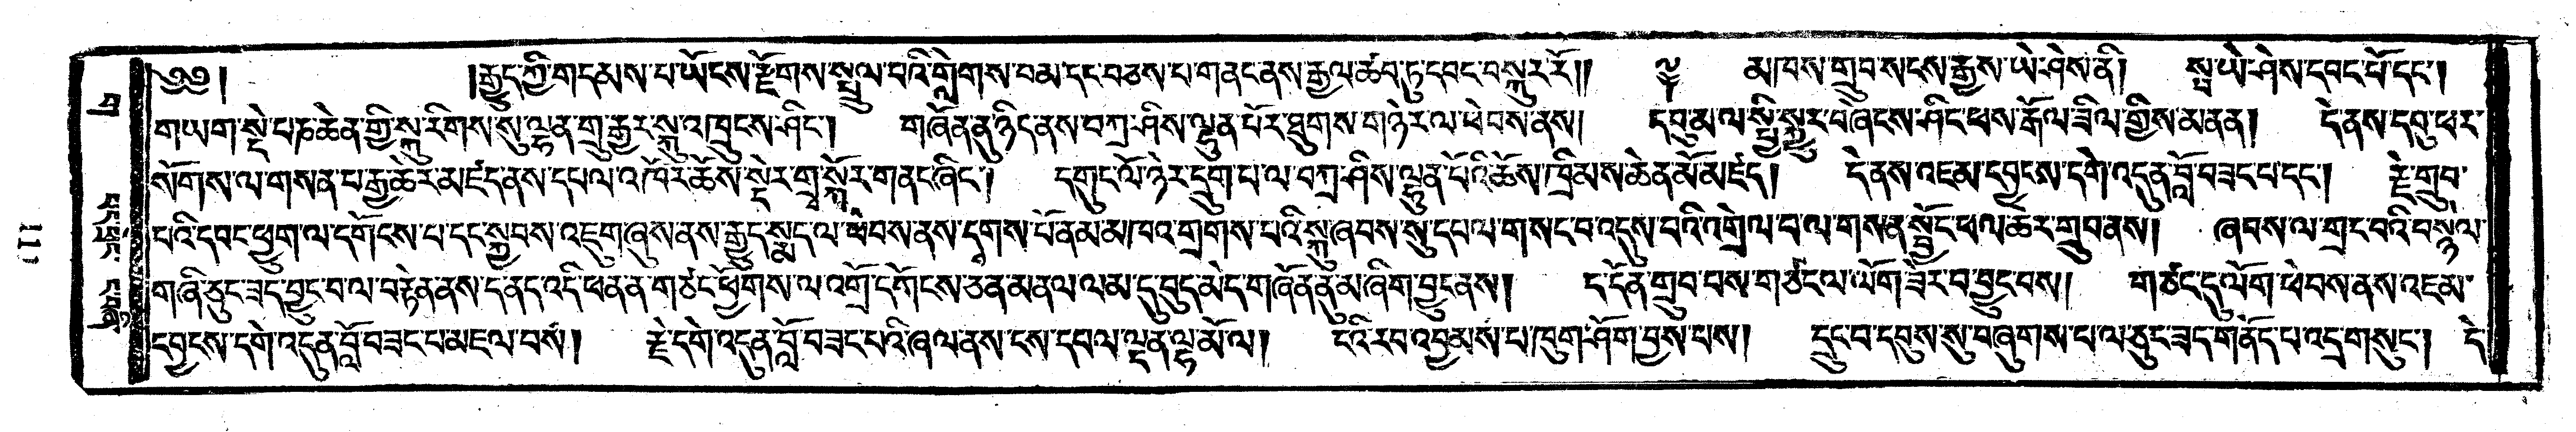༄༅། །རྒྱུད་ཀྱི་གདམས་པ་ཡོངས་རྫོགས་སྤྲུལ་པའི་གླེགས་བམ་དང་བཅས་པ་གནང་ནས་རྒྱལ་ཚབ་ཏུ་དབང་བསྐུར་རོ། །འྨྑས་གྲུབ་སངས་རྒྱས་ཡེ་ཤེས་ནི། སྤ་ཡེ་ཤེས་དབང་པོ་དང་།
གཡག་སྡེ་པཎ་ཆེན་གྱི་སྐུ་རིགས་སུ་ལྷན་གྲུ་རྒྱར་སྐུ་འཁྲུངས་ཤིང་། གཞོན་ནུ་ཉིད་ནས་བཀྲ་ཤིས་ལྷུན་པོར་ཐུགས་གཉེར་ལ་ཕེབས་ནས། དབུ་མ་ལ་སྤྱི་སྐྱུར་བཞེངས་ཤིང་ཕས་རྒོལ་ཟིལ་གྱིས་མནན། དེ་ནས་དབུ་ཕར་
སོགས་ལ་གསན་པ་རྒྱ་ཆེར་མཛད་ནས་དཔལ་འཁོར་ཆོས་སྡེར་གྲྭ་སྐོར་གནང་ཞིང་། དགུང་ལོ་ཉེར་དྲུག་པ་ལ་བཀྲ་ཤིས་ལྷུན་པོའི་ཆོས་ཁྲིམས་ཆེན་མོ་མཛད། དེ་ནས་འཇམ་དབྱངས་དགེ་འདུན་བློ་བཟང་པ་དང་། རྗེ་གྲུབ་
པའི་དབང་ཕྱུག་ལ་དགོངས་པ་དང་སྐྱབས་འཇུག་ཞུས་ནས་རྒྱུད་སྨད་ལ་ཕེབས་ནས་དྭགས་པོ་ནམ་མཁའ་གྲགས་པའི་སྐུ་ཞབས་སུ་དཔལ་གསང་བ་འདུས་པའི་འགྲེལ་བ་ལ་གསན་སྦྱོང་ཕལ་ཆེར་གྲུབ་ནས། ཞབས་ལ་གྲང་བའི་བསྙེལ་
གཞི་ཅུང་ཟད་བྱུང་བ་ལ་བརྟེན་ནས་ད་ནད་འདི་ཕན་ན་གཙང་ཕྱོགས་ལ་འགྲོ་དགོངས་ཅན་མནལ་ལམ་དུ་བུད་མེད་གཞོན་ནུ་མ་ཞིག་བྱུང་ནས། ད་དོན་གྲུབ་པས་གཙང་ལ་ལོག་ཟེར་བ་བྱུང་བས། གཙང་དུ་ལོག་ཕེབས་ནས་འཇམ་
དབྱངས་དགེ་འདུན་བློ་བཟང་པ་མཇལ་བས། རྗེ་དགེ་འདུན་བློ་བཟང་པའི་ཞལ་ནས་ངས་དཔལ་ལྡན་ལྷ་མོ་ལ། ངའི་རབ་འབྱམས་པ་ཁུག་ཤོག་བྱས་པས། དྲུང་བ་དབུས་སུ་བཞུགས་པ་ལ་ཅུང་ཟད་གནོད་པ་འདྲ་གསུང་། དེ་